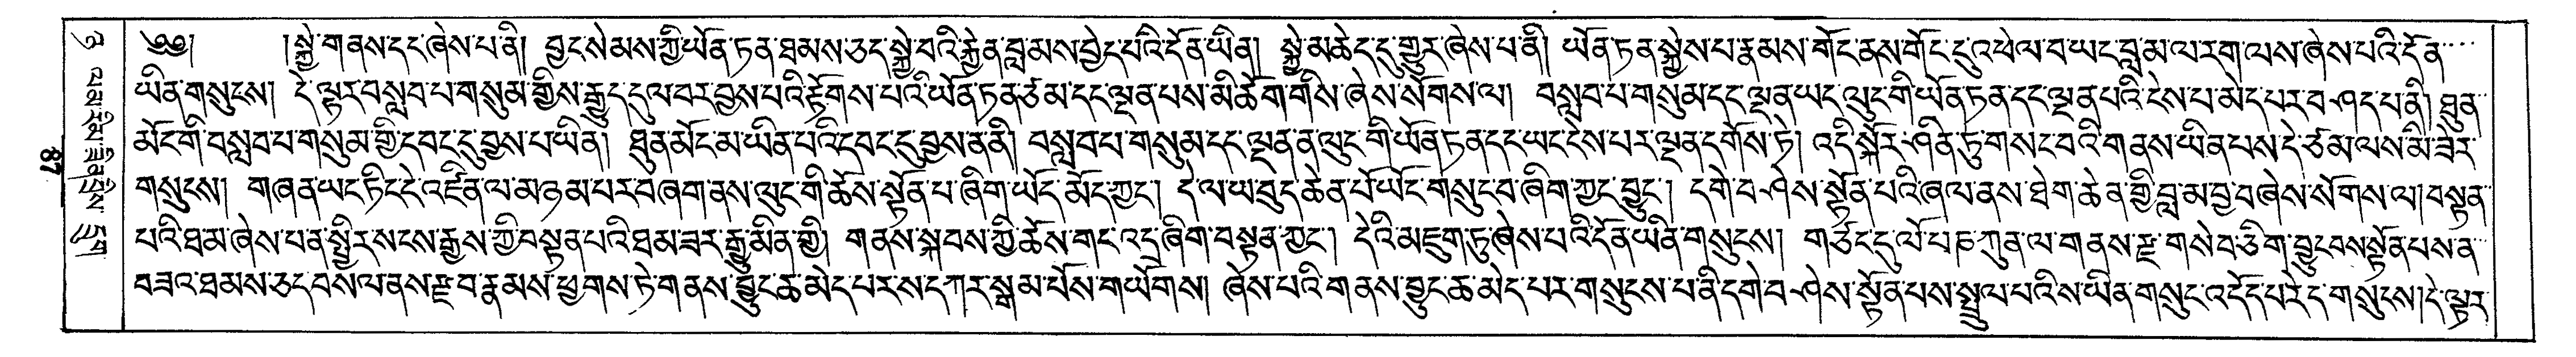༄༅། །སྐྱེ་གནས་དང་ཞེས་པ་ནི། བྱང་སེམས་ཀྱི་ཡོན་ཏན་ཐམས་ཅད་སྐྱེ་བའི་རྐྱེན་བླ་མས་བྱེད་པའི་དོན་ཡིན། སྐྱེ་མཆེད་དུ་གྱུར་ཞེས་པ་ནི། ཡོན་ཏན་སྐྱེས་པ་རྣམས་གོང་ནས་གོང་དུ་འཕེལ་བ་ཡང་བླ་མ་ལ་རག་ལས་ཞེས་པའི་དོན་
ཡིན་གསུངས། དེ་ལྟར་བསླབ་པ་གསུམ་གྱིས་རྒྱུད་དུལ་བར་བྱས་པའི་རྟོགས་པའི་ཡོན་ཏན་ཙམ་དང་ལྡན་པས་མི་ཆོག་གིས་ཞེས་སོགས་ལ། བསླབ་པ་གསུམ་དང་ལྡན་ཡང་ལུང་གི་ཡོན་ཏན་དང་ལྡན་པའི་ངེས་པ་མེད་པར་བཤད་པ་ནི། ཐུན་
མོང་གི་བསླབ་པ་གསུམ་གྱི་དབང་དུ་བྱས་པ་ཡིན། ཐུན་མོང་མ་ཡིན་པའི་དབང་དུ་བྱས་ན་ནི། བསླབ་པ་གསུམ་དང་ལྡན་ན་ལུང་གི་ཡོན་ཏན་དང་ཡང་ངེས་པར་ལྡན་དགོས་ཏེ། འདི་སྐོར་ཤིན་ཏུ་གསང་བའི་གནས་ཡིན་པས་དེ་ཙམ་ལས་མི་ཟེར་
གསུངས། གཞན་ཡང་ཏིང་ངེ་འཛིན་ལ་མཉམ་པར་བཞག་ནས་ལུང་གི་ཆོས་སྟོན་པ་ཞིག་ཡོད་མོད་ཀྱང་། དེ་ལ་ཡ་བུད་ཆེན་པོ་ཡོང་གསུང་བ་ཞིག་ཀྱང་བྱུང་། དགེ་བཤེས་སྟོན་པའི་ཞལ་ནས་ཐེག་ཆེན་གྱི་བླ་མ་བྱ་བ་ཞེས་སོགས་ལ། བསྟན་
པའི་ཐ་མ་ཞེས་པ་ནི་སྤྱིར་སངས་རྒྱས་ཀྱི་བསྟན་པའི་ཐ་མ་ཟེར་རྒྱུ་མིན་གྱི། གནས་སྐབས་ཀྱི་ཆོས་གང་འདྲ་ཞིག་བསྟན་ཀྱང་། དེའི་མཇུག་ཏུ་ཞེས་པའི་དོན་ཡིན་གསུངས། གཙང་དུ་ལོ་པཎ་ཀུན་ལ་གནས་རྫ་གསེབ་ཅིག་བྱུང་བས་སྟོན་པས་ན་
བཟའ་ཐམས་ཅད་བསལ་ནས་རྫབ་རྣམས་ཕྱགས་ཏེ་ག་ནས་བྱུང་ཆ་མེད་པར་ས་དཀར་སྐམ་པོས་གཡོགས། ཞེས་པའི་གནས་བྱུང་ཆ་མེད་པར་གསུངས་པ་ནི་དགེ་བཤེས་སྟོན་པས་སྤྲུལ་པའི་ས་ཡིན་གསུང་འདོད་པ་རེད་གསུངས། དེ་ལྟར་